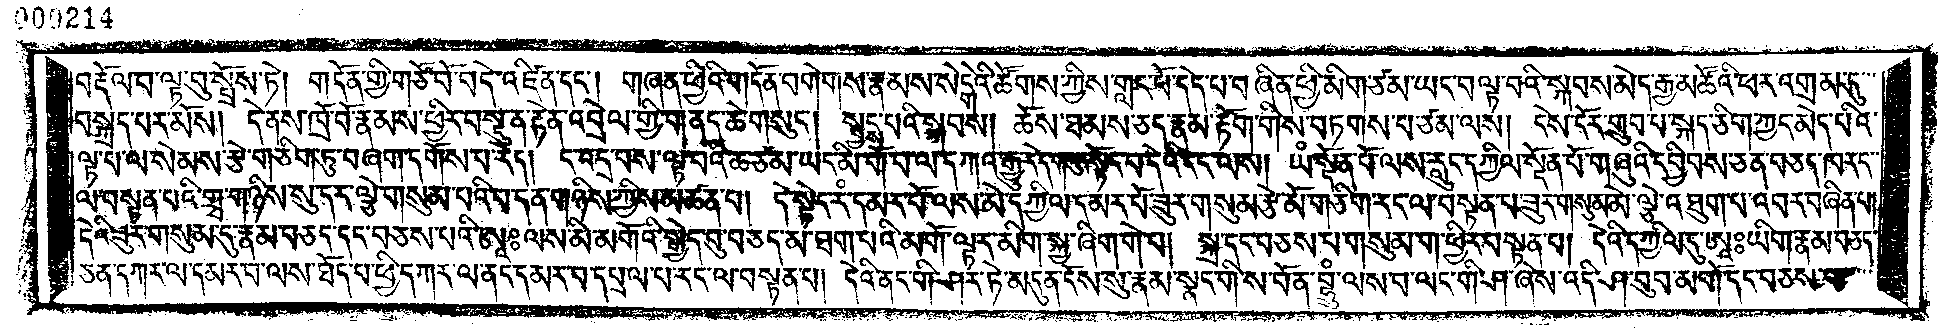བརྡོལ་བ་ལྟ་བུ་སྤྲོས་ཏེ། གདོན་གྱི་གཙོ་བོ་བདེ་འཛིན་དང་། གཞན་ཕྱིའི་གདོན་བགེགས་རྣམས་སེངྒེའི་ཚོགས་ཀྱིས་གླང་པོ་དེད་པ་བཞིན་ཕྱི་མིག་ཙམ་ཡང་བལྟ་བའི་སྐབས་མེད་རྒྱ་མཚོའི་ཕར་འགྲམ་དུ་
བསྐྲད་པར་མོས། དེ་ནས་ཁྲོ་བོ་རྣམས་ཕྱིར་བསྡུ་ན་རྟེན་འབྲེལ་གྱི་གནད་ཆེ་གསུང་། སྦྱངས་པའི་སྐབས། ཆོས་ཐམས་ཅད་རྣམ་རྟོག་གིས་བཏགས་པ་ཙམ་ལས། ངེས་ངོར་གྲུབ་པ་སྐད་ཅིག་ཀྱང་མེད་པའི་
ལྟ་པ་ལ་སེམས་རྩེ་གཅིག་ཏུ་བཞག་དགོས་པ་རེད། ང་འདྲ་བས་ལྟ་བའི་ཆ་ཙམ་ཡང་མི་གོ་བ་ལ་དཀའ་རྒྱུ་རེད་གསུང་སྟོང་པ་དེའི་ངང་ལས། ཡཾ་སྔོན་པོ་ལས་རླུང་དཀྱིལ་སྔོན་པོ་གཞུའི་དབྱིབས་ཅན་བཅད་ཁ་རང་
ལ་བསྟན་པའི་གྲྭ་གཉིས་སུ་དར་ལྕེ་གསུམ་པའི་བ་དན་གཉིས་ཀྱིས་མཚན་པ། དེ་སྟེང་རཾ་དམར་པོ་ལས་མེ་དཀྱིལ་དམར་པོ་ཟུར་གསུམ་རྩེ་མོ་གཅིག་རང་ལ་བསྟན་པ་ཟུར་གསུམ་མེ་ལྕེ་འཐུག་པ་འབར་བཞིན་པ།
དེའི་ཟུར་གསུམ་དུ་རྣམ་བཅད་དང་བཅས་པའི་ཨཱཿ ལས་མི་མགོའི་སྒྱེད་བུ་བཅད་མ་ཐག་པའི་མགོ་ལྟར་མིག་སྐྱ་ཞིག་གེ་པ། སྐྲ་དང་བཅས་པ་གསུམ་ག་ཕྱིར་བསྟན་པ། དེའི་དཀྱིལ་དུ་ཨཱཿ ཡིག་རྣམ་བཅད་
ཅན་དཀར་ལ་དམར་བ་ལས་ཐོད་པ་ཕྱི་དཀར་ལ་ནང་དམར་བ་དཔྲལ་པ་རང་ལ་བསྟན་པ། དེའི་ནང་གི་ཤར་ཏེ་མདུན་ངོས་སུ་རྣམ་སྣང་གི་ས་བོན་བྷྲུཾ་ལས་བ་ལང་གི་ཤ་ཞེས་འདི་ཤ་བུབ་མགོ་དང་བཅས་པ་